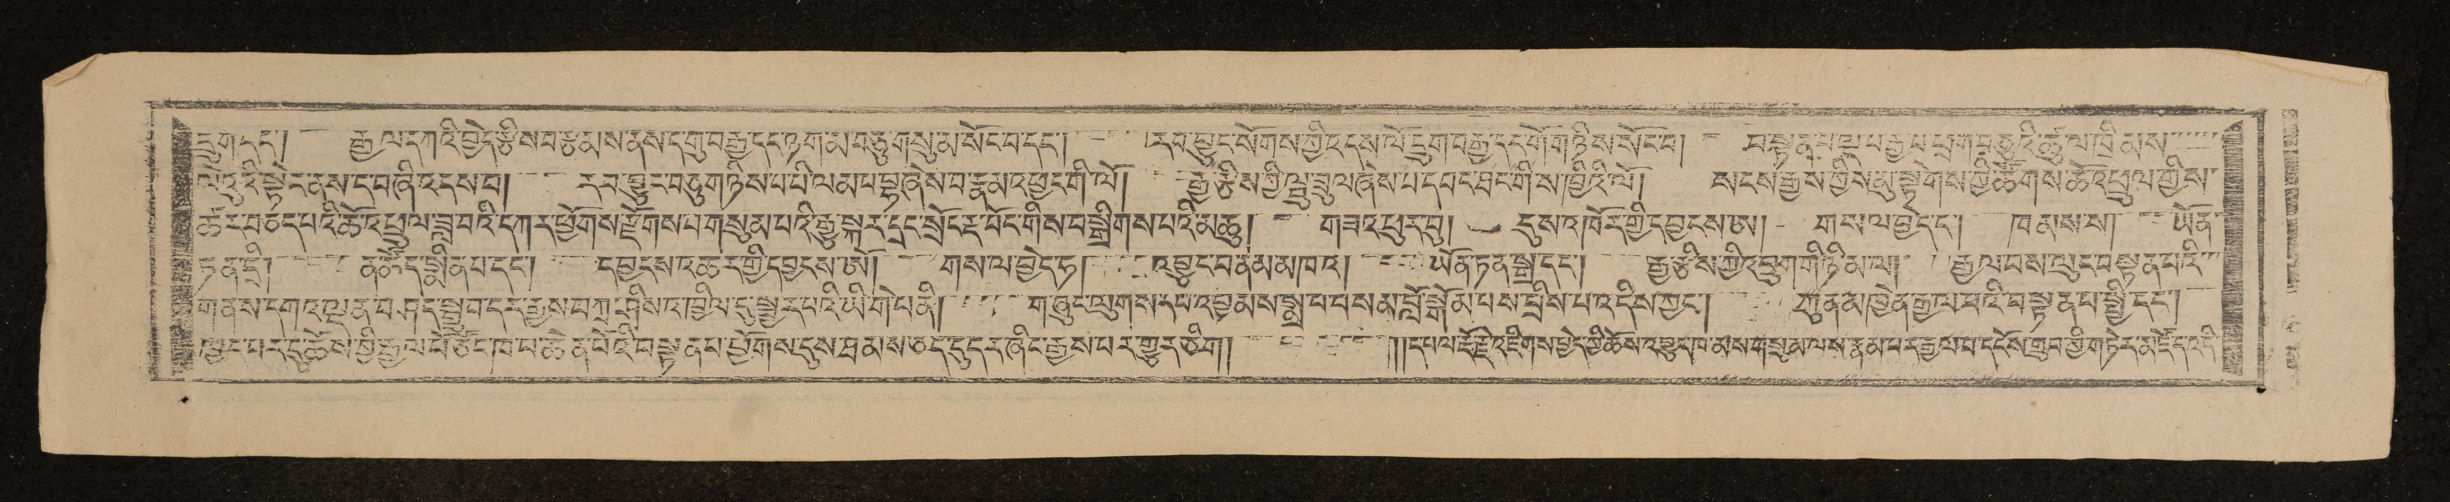དྲུག་དང་། རྒྱལ་དཀའི་བྱེད་རྩིས་བརྩམས་ནས་དགུ་བརྒྱ་དང་ཉག་མ་བཅུ་གསུམ་སོང་བ་དང་། རབ་བྱུང་སོགས་ཀྱི་འདས་ལོ་དྲུག་བརྒྱ་དང་གོ་གཉིས་སོང་བ། བསྟན་པ་ལྔ་བརྒྱ་པ་ཕྲག་བཅུའི་ཚུལ་ཁྲིམས་
ལེའུའི་སྟེང་ནས་ང་བཞི་འདས་པ། རབ་བྱུང་བཅུ་གཉིས་པ་བི་ལམ་བ་བྷ་ཞེས་པ་རྣམ་འཕྱང་གི་ལོ། རྒྱ་རྩིས་ཀྱི་ལྦུ་ཟུལ་ཞེས་པ་དབང་ཐང་གི་ས་ཁྱིའི་ལོ། སངས་རྒྱས་ཀྱིས་མུ་སྟེགས་ཀྱི་ཚོགས་ཆོ་འཕྲུལ་གྱིས་
ཚར་བཅད་པའི་ཆོ་འཕྲུལ་ཟླ་བའི་དཀར་ཕྱོགས་རྫོགས་པ་གསུམ་པའི་རྒྱུ་སྐར་དྲང་སྲོང་རྔ་བོང་གིས་བསྒྲིགས་པའི་མཆུ། གཟའ་ཕུར་བུ། དུས་འཁོར་གྱི་དབྱངས་ཨ། གསལ་བྱེད་ད། ཁམས་ས། ཡོན་
ཏན་དྲི། ན་ཚོད་སྨིན་པ་དང་། དབྱངས་འཆར་གྱི་དབྱངས་ཨོ། གསལ་བྱེད་ཧ། འབྱུང་བ་ནམ་མཁའ། ཡོན་ཏན་སྒྲ་དང་། རྒྱ་རྩིས་ཀྱི་འབྲུག་གི་ཉི་མ་ལ། རྒྱལ་བས་ལུང་བསྟན་པའི་
གནས་དགའ་ལྡན་བཤད་སྒྲུབ་དར་རྒྱས་བཀྲ་ཤིས་འཁྱིལ་དུ་སྦྱར་བའི་ཡི་གེ་པ་ནི། གཞུང་ལུགས་རབ་འབྱམས་སྨྲ་བ་བསམ་བློ་སྒོམ་པས་བྲིས་པ་འདིས་ཀྱང་། ཀུན་མཁྱེན་རྒྱལ་བའི་བསྟན་པ་སྤྱི་དང་།
ཁྱད་པར་དུ་ཆོས་ཀྱི་རྒྱལ་པོ་ཙོང་ཁ་པ་ཆེན་པོའི་བསྟན་པ་ཕྱོགས་དུས་ཐམས་ཅད་དུ་དར་ཞིང་རྒྱས་པར་གྱུར་ཅིག། །།དཔལ་རྡོ་རྗེ་འཇིགས་བྱེད་ཀྱི་ཆོས་འབྱུང་ཁམས་གསུམ་ལས་རྣམ་པར་རྒྱལ་བ་དངོས་གྲུབ་ཀྱི་གཏེར་མཛོད་འདི་